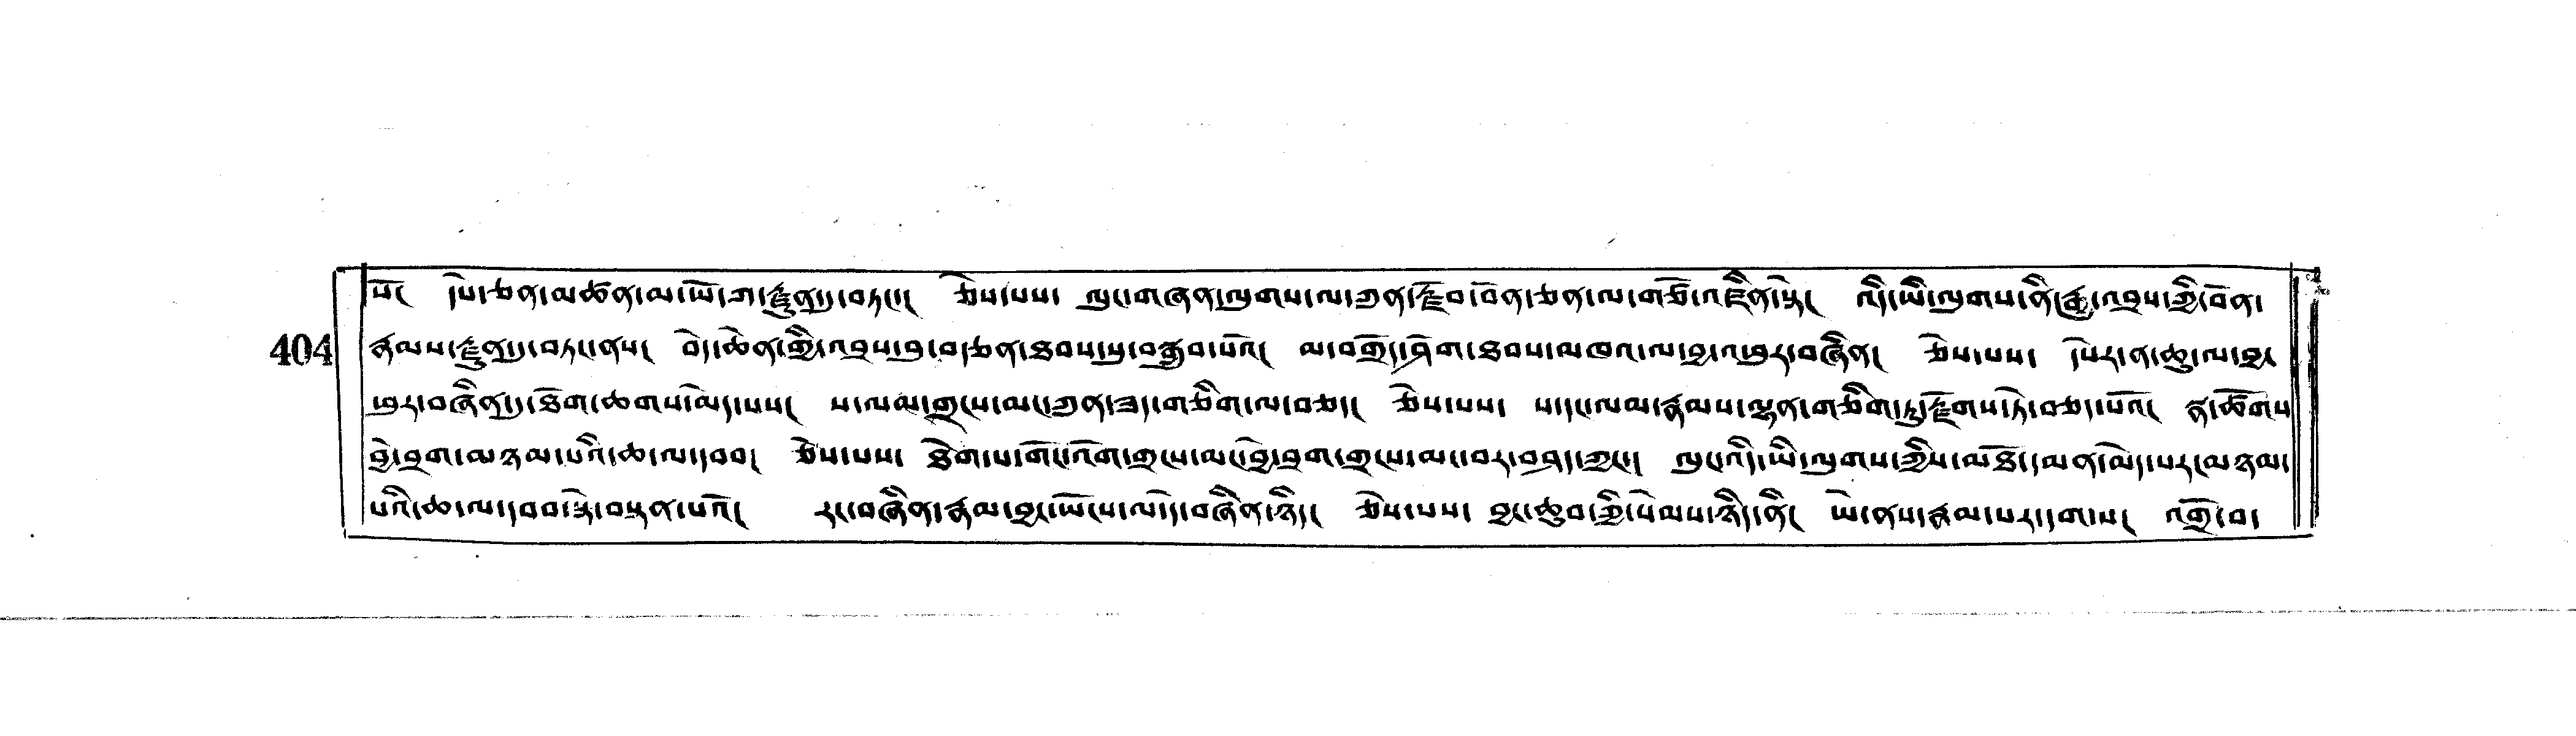སོ། དཔེ་ཅན་མཚན་མ་ཡོ་ཀ་རྫུན་དུ་བཏང་། ཅེས་པས། ལུང་གཞན་ལུགས་ལ་ཀུན་རྫོབ་བོན་ཅན་ལ་གཙོར་འཛིན་ཏེ། འདི་ཡི་ལུགས་ལ་རྒྱུ་འབྲས་ཀྱི་བོན་
རྣམས་རྫུན་དུ་བཏང་ནས། བདེ་ཆེན་གྱི་འབྲས་བུ་བཙན་ཐབས་སུ་བསྒྲུབ་པའོ། མ་བགྲོད་ཤོག་ཐབས་མཁའ་ལ་བྱ་བཞིན་འཕུར། ཅེས་པས། དཔེར་ན་ཆུ་ལ་བྱ་
འཕུར་བཞིན་དུ་ཐོགས་ཆགས་མེད་པས། ས་ལམ་གྲངས་མང་ཀུན་ཟད་གཅིག་ལ་བཅད། ཅེས་པས། ས་དང་ལམ་རྣམས་ལྷན་ཅིག་ཏུ་རྫོགས་ཏེ་བཅད་པའོ། སྣ་ཚོགས་
བྱེ་བྲག་མཉམ་པའི་ཆ་ལ་དབབ། ཅེས་པས། ཐེག་པ་གོང་འོག་བྱེ་བྲག་གྲངས་མང་བར་བཤད་ཀྱང་། ལུང་འདི་ཡི་ལུགས་ཀྱི་མཐོ་དམན་མེད་པར་མཉམ་
པའི་ཆ་ལ་དབབ་སྟེ་བསྟན་པའོ། རང་བཞིན་རྣམ་བྱང་ཡོངས་ལ་དེ་བཞིན་ཉིད། ཅེས་པས། བྱང་ཆུབ་ཀྱི་སེམས་ཉིད་ནི། ཡེ་ནས་རྣམ་པར་དག་པ། འགྲོ་བ་